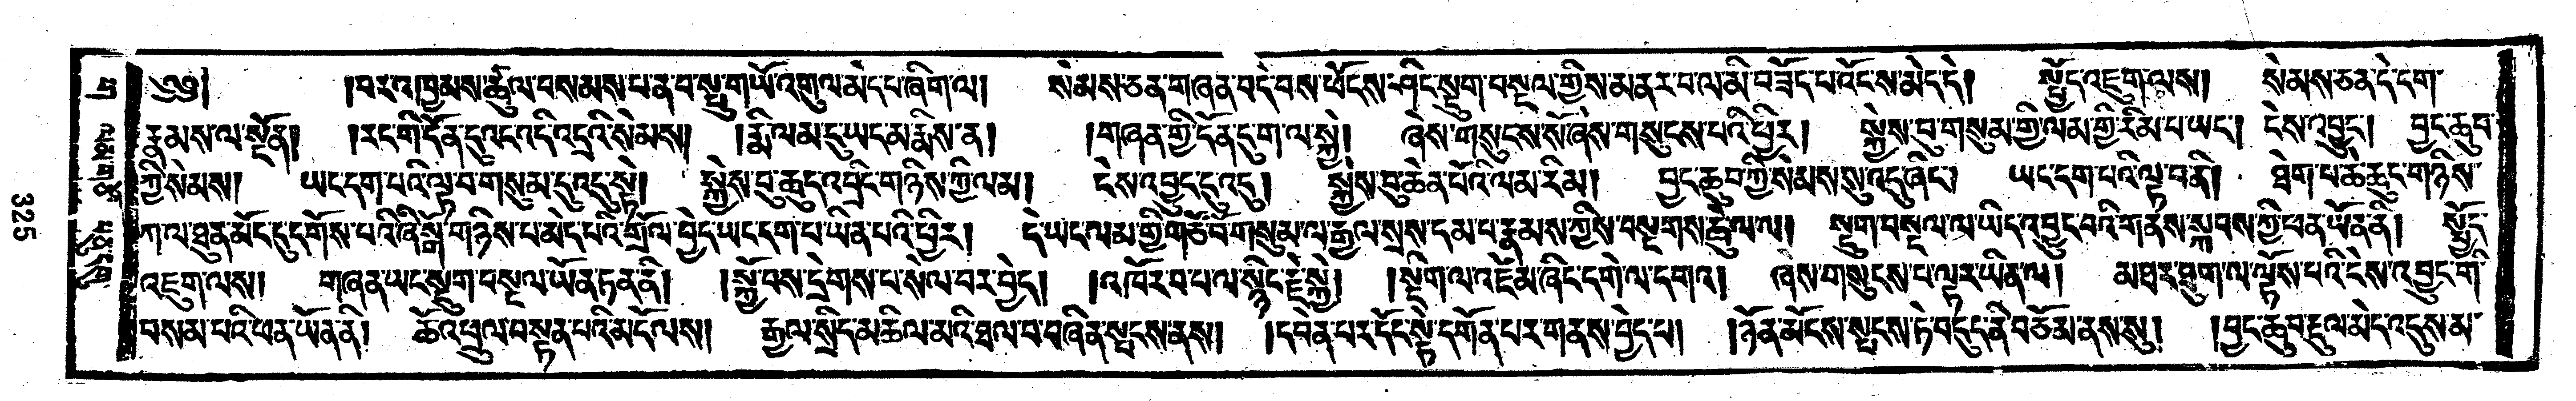༄༅། །བར་འཁྱམས་ཚུལ་བསམས་པ་ན་བ་སྤུ་གཡོ་འགུལ་མེད་པ་ཞིག་ལ། སེམས་ཅན་གཞན་བདེ་བས་ཕོངས་ཤིང་སྡུག་བསྔལ་གྱིས་མནར་པ་ལ་མི་བཟོད་པ་འོང་ས་མེད་དེ། སྤྱོད་འཇུག་ལས། སེམས་ཅན་དེ་དག་
རྣམས་ལ་སྔོན། །རང་གི་དོན་དུའང་འདི་འདྲའི་སེམས། །རྨི་ལམ་དུ་ཡང་མ་རྨིས་ན། །གཞན་གྱི་དོན་དུ་ག་ལ་སྐྱེ། ཞེས་གསུངས་སོ་ཞེས་གསུངས་པའི་ཕྱིར། སྐྱེས་བུ་གསུམ་གྱི་ལམ་གྱི་རིམ་པ་ཡང་། ངེས་འབྱུང་། བྱང་ཆུབ་
ཀྱི་སེམས། ཡང་དག་པའི་ལྟ་བ་གསུམ་དུ་འདུ་སྟེ། སྐྱེས་བུ་ཆུད་འབྲིང་གཉིས་ཀྱི་ལམ། ངེས་འབྱུང་དུ་འདུ། སྐྱེས་བུ་ཆེན་པོའི་ལམ་རིམ། བྱང་ཆུབ་ཀྱི་སེམས་སུ་འདུ་ཞིང་། ཡང་དག་པའི་ལྟ་བ་ནི། ཐེག་པ་ཆེ་ཆུང་གཉིས་
ཀ་ལ་ཐུན་མོང་དུ་དགོས་པའི་ཞི་སྒོ་གཉིས་པ་མེད་པའི་གྲོལ་བྱེད་ཡང་དག་པ་ཡིན་པའི་ཕྱིར། དེ་ཡང་ལམ་གྱི་གཙོ་བོ་གསུམ་ལ་རྒྱལ་སྲས་དམ་པ་རྣམས་ཀྱིས་བསྔགས་ཚུ་ལ་ལ། སྡུག་བསྔལ་ལ་ཡིད་འབྱུང་བའི་གནས་སྐབས་ཀྱི་ཕན་ཡོན་ནི། སྤྱོད་
འཇུག་ལས། གཞན་ཡང་སྡུག་བསྔལ་ཡོན་ཏན་ནི། །སྐྱོ་བས་དྲེགས་པ་སེལ་བར་བྱེད། །འཁོར་བ་པ་ལ་སྙིང་རྗེ་སྐྱེ། །སྡིག་ལ་འཇོམ་ཞིང་དགེ་ལ་དགའ། ཞེས་གསུངས་པ་ལྟར་ཡིན་ལ། མཐར་ཐུག་ལ་ལྟོས་པའི་ངེས་འབྱུང་གི་
བསམ་པའི་ཕན་ཡོན་ནི། ཆོ་འཕྲུལ་བསྟན་པའི་མངོ་ལས། རྒྱལ་སྲིད་མཆིལ་མའི་ཐལ་བ་བཞིན་སྤངས་ནས། །དབེན་པར་དོང་སྟེ་དགོན་པར་གནས་བྱེད་པ། །ཉོན་མོངས་སྤངས་ཏེ་བདུད་ནི་བཅོམ་ནས་སུ། །བྱང་ཆུབ་རྡུལ་མེད་འདུས་མ་